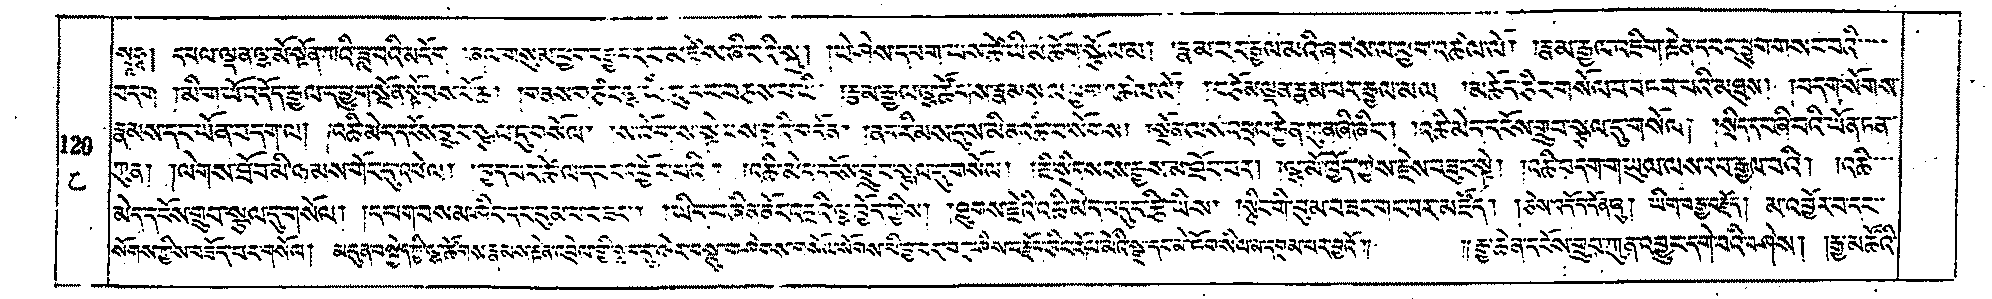སྭཱཧཱ། དཔལ་ལྡན་ལྷ་མོ་སྟོན་ཀའི་ཟླ་བའི་མདོག་གཞལ་གསུམ་ཕྱག་བརྒྱད་རབ་མཛེས་ཞི་བའི་སྐུ། །ཡེ་ཤེས་དཔག་ཡས་ཚེ་ཡི་མཆོག་སྩོལ་མ། །རྣམ་པར་རྒྱལ་མའི་ཞབས་ལ་ཕྱག་འཚལ་ལོ། །རྣམ་རྒྱལ་འཇིག་རྟེན་དབང་ཕྱུག་གསང་བའི་་་
བདག །མི་གཡོ་འདོད་རྒྱལ་དབྱུག་སྔོན་སྟོབས་པོ་ཆེ། །གནས་གཙང་ལྷ་ཡི་བུ་དང་བཅས་པ་ཡི། །རྣམ་རྒྱལ་ལྷ་ཚོགས་རྣམས་ལ་ཕྱག་འཚལ་ལོ། །བཅོམ་ལྡན་རྣམ་པར་རྒྱལ་མ་ལ། །མཆོད་ཅིང་གསོལ་བ་བཏབ་པའི་མཐུས། །བདག་སོགས་
རྣམས་དང་ཡོན་བདག་ལ། །འཆི་མེད་དངོས་གྲུབ་སྩལ་དུ་གསོལ། །ས་འོག་ས་སྟེང་བླའི་གདོན། །ནད་རིམས་དུས་མིན་འཆི་བ་སོགས། །སྔོན་ལས་འཕྲལ་རྐྱེན་ཀུན་ཞི་ཞིང་། །འཆི་མེད་དངོས་གྲུབ་སྩལ་དུ་གསོལ། །སྲིད་དང་ཞི་བའི་ཡོན་ཏན་་་
ཀུན། །ལེགས་ཐོབ་མི་ཉམས་གོང་དུ་འཕེལ། །ཁྱད་པར་ཚེ་ལ་དབང་འབྱོར་པའི། །འཆི་མེད་དངོས་གྲུབ་སྩལ་དུ་གསོལ། །ཇི་སྲིད་སངས་རྒྱས་མ་ཐོབ་བར། །ལྷ་མོ་ཁྱོད་ཀྱིས་རྗེས་བཟུང་སྟེ། །འཆི་བདག་གཡུལ་ལས་རབ་རྒྱལ་བའི། །འཆི་་་
མེད་དངོས་གྲུབ་སྩལ་དུ་གསོལ། །དཔག་བསམ་ཤིང་དང་བུམ་པ་བཟང་། །ཡིད་བཞིན་ནོར་འདྲའི་ལྷ་ཁྱོད་ཀྱིས། །ཐུགས་རྗེའི་འཆི་མེད་བདུད་རྩི་ཡིས། །སྙིང་གི་བུམ་བཟང་གང་བར་མཛོད། །ཅེས་འདོད་དོན་ཞུ། ཡིག་བརྒྱ་བརྗོད།  མ་འབྱོར་བ་དང་་་
སོགས་ཀྱིས་བཟོད་པར་གསོལ། མདུན་བསྐྱེད་ཀྱི་ལྷ་ཚོགས་རྣམས་རྟེན་འབྲེལ་གྱི་སླད་དུ་ཉེར་བསྡུ་གཤེགས་གསོལ་སོགས་མི་བྱ་བར་བཀྲ་ཤིས་བརྗོད་ཅིང་རོལ་མོའི་སྒྲ་དང་མེ་ཏོག་སིལ་མ་དགྲམ་པར་བྱའོ།། །།རྒྱ་ཆེན་དངོས་གྲུབ་ཀུན་འབྱུང་དགེ་བའི་བཤེས། །རྒྱ་མཚོའི་